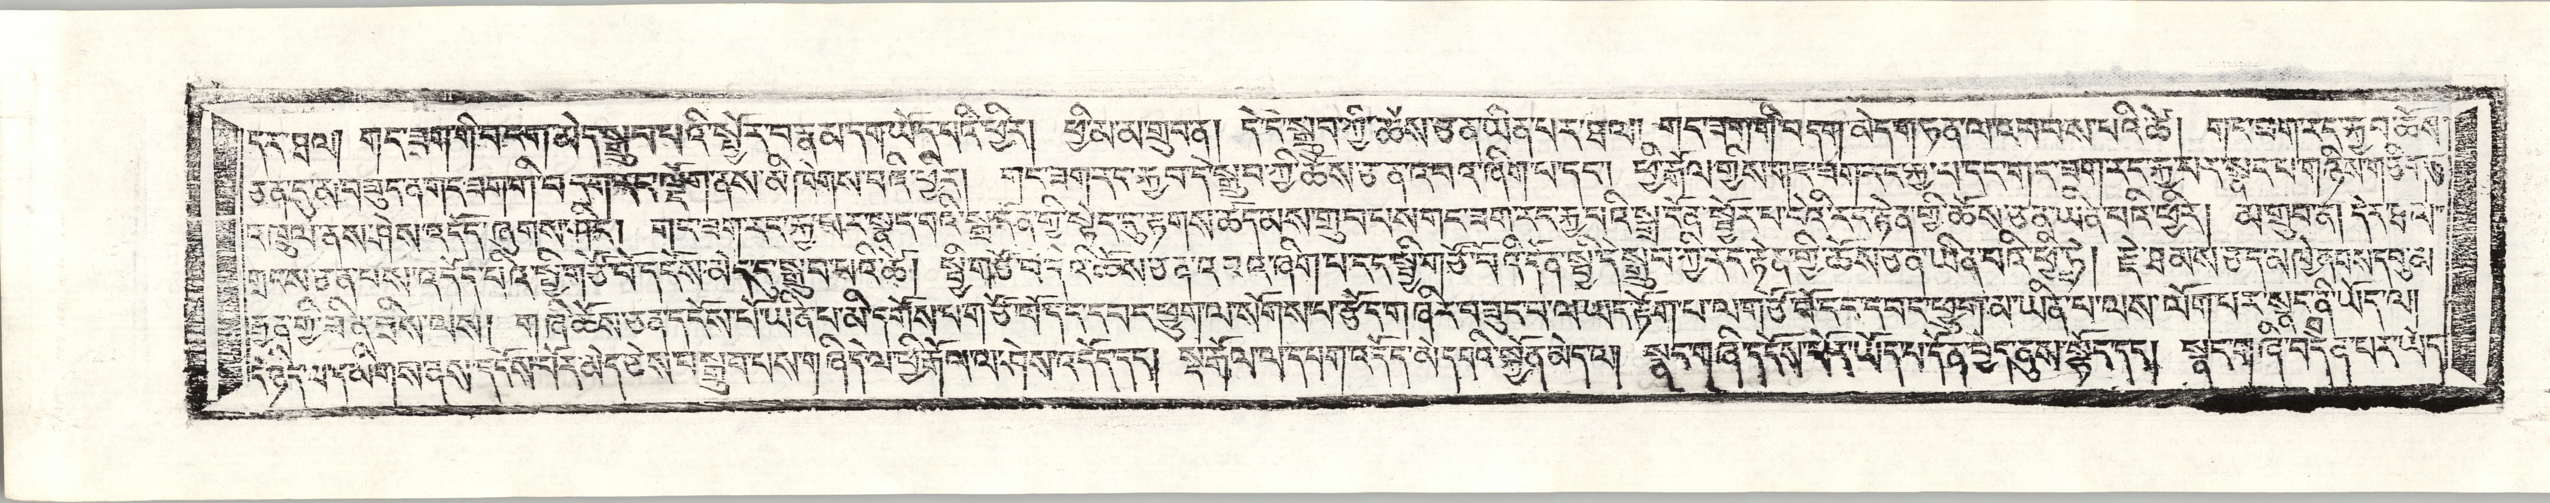དེར་ཐལ། གང་ཟག་གི་བདག་མེད་སྒྲུབ་པའི་སྦྱོར་བ་རྣམ་དག་ཡོད་པའི་ཕྱིར། ཕྱི་མ་མ་གྲུབ་ན། དེ་དེ་སྒྲུབ་ཀྱི་ཆོས་ཅན་ཡིན་པར་ཐལ། གང་ཟག་གི་བདག་མེད་གཏན་ལ་འབེབས་པའི་ཚེ། གང་ཟག་རང་རྐྱ་བ་ཆོས་
ཅན་དུ་མ་བཟུང་ན་གང་ཟག་གི་བདག་རང་ལྡོག་ནས་མི་ཁེགས་པའི་ཕྱིར། གང་ཟག་རང་རྐྱ་བ་དེ་སྒྲུབ་ཀྱི་ཆོས་ཅན་འབའ་ཞིག་པ་དང་། ཕྱི་རྒོལ་གྱིས་གང་ཟག་རང་རྐྱ་པ་དང་གང་ཟག་རང་རྐྱ་བར་སྣང་བ་གཉིས་གཅིག་ཏུ་
འཁྲུལ་ནས་ཤེས་འདོད་ཞུགས་ཤིང་། གང་ཟག་རང་སྐྱ་པར་སྣང་བའི་སྒྲ་དོན་གྱི་སྟེང་དུ་རྟགས་ཚད་མས་གྲུབ་པས་གང་ཟག་རང་རྐྱ་བའི་སྒྲ་དོན་སྦྱོར་བ་དེའི་རང་རྟེན་གྱི་ཆོས་ཅན་ཡིན་པའི་ཕྱིར། མ་གྲུབ་ན། དེར་ཐལ་
གྲངས་ཅན་པས་འདོད་པའི་སྤྱི་གཙོ་བོ་དངོས་མེད་དུ་སྒྲུབ་པའི་ཚེ། སྤྱི་གཙོ་བོ་དེའི་ཆོས་ཅན་འབའ་ཞིག་པ་དང་སྤྱི་གཙོ་བོའི་དོན་སྤྱི་དེ་སྒྲུབ་ཀྱི་རང་རྟེན་གྱི་ཆོས་ཅན་ཡིན་པའི་ཕྱིར་ཏེ། རྗེ་ཐམས་ཅད་མཁྱེན་པའི་དབུ་མ་
རྒྱན་གྱི་ཟིན་བྲིས་ལས། གཞི་ཆོས་ཅན་དངོས་པོ་ཡིན་པ་མི་དགོས་པ་གཙོ་བོ་དང་དབང་ཕྱུག་ལ་སོགས་པ་རྩོད་གཞིར་བཟུང་བ་ལ་ཡང་རྟོག་པ་ལ་གཙོ་བོ་དང་དབང་ཕྱུག་མ་ཡིན་པ་ལས་ལོག་པར་སྣང་བ་ནི་ཡོད་ལ།
དེ་ཉིད་ལ་དམིགས་ནས་དངོས་པོར་མེད་ཅེས་བསྒྲུབས་པས་གཞི་དེ་ལ་ཕྱི་རྒོལ་ལ་ཤེས་འདོད་དང་། སྔ་རྒོལ་ལ་དཔག་འདོད་མེད་པའི་སྐྱོན་མེད་ལ། སྣང་གཞི་དངོས་པོར་ཡོད་པ་དོན་བྱེད་ནུས་སྟོང་དང་། སྣང་གཞི་བདེན་བར་ཡོད་